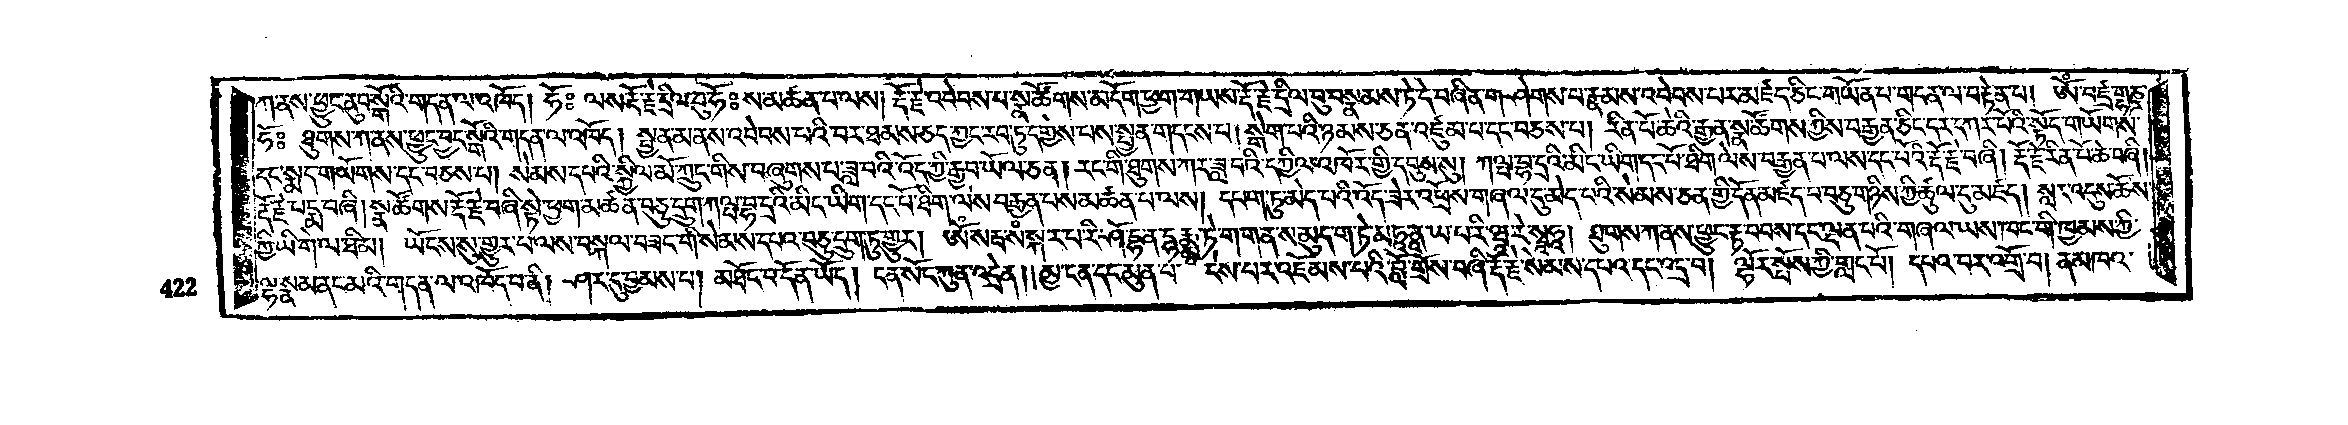ཀ་ནས་ཕྱུང་ནུབ་སྒོའི་གདན་ལ་འཁོད། ཧོཿ ལས་རྡོ་རྗེ་དྲིལ་བུ་ཧོཿ ས་མཚན་པ་ལས། རྡོ་རྗེ་འབེབས་པ་སྣ་ཚོགས་མདོག་ཕྱག་གཡས་རྡོ་རྗེ་དྲིལ་བུ་བསྣམས་ཏེ་དེ་བཞིན་གཤེགས་པ་རྣམས་འབེབས་པར་མཛད་ཅིང་གཡོན་པཱ་གཌཱཎ་ལཱ་བརཊEཎ་པཱ། ཨཱ྾མ་བཱཌཟརཱ་གྷནྜ་
ཧོཿ ཐུགས་ཀ་ནས་ཕྱུང་བྱང་སྒོའི་གདན་ལ་འཁོད། སྤྱན་མ་ནས་འབེབས་པའི་བར་ཐམས་ཅད་ཀྱང་རབ་ཏུ་དགྱེས་པས་སྤྱན་གདངས་པ། སྒེག་པའི་ཉམས་ཅན་འཛུམ་པ་དང་བཅས་པ། རིན་པོ་ཆེའི་རྒྱན་སྣ་ཚོགས་ཀྱིས་བརྒྱན་ཅིང་དར་དཀར་པོའི་སྟོད་གཡོགས་
དང་སྨད་གཡོགས་དང་བཅས་པ། སེམས་དཔའི་སྐྱིལ་མོ་ཀྲུང་གིས་བཞུགས་པ་ཟླ་བའི་འོད་ཀྱི་རྒྱབ་ཡོལ་ཅན། རང་གི་ཐུགས་ཀར་ཟླ་བའི་དཀྱིལ་འཁོར་གྱི་དབུས་སུ། ཀལ་པ་བྷ་དྲའི་མིང་ཡིག་དང་པོ་ཐིག་ལེས་བརྒྱན་པ་ལས་དང་པོའི་རྡོ་རྗེ་བཞི། རྡོ་རྗེ་རིན་པོ་ཆེ་བཞི།
རྡོ་རྗེ་པདམ་བཞི། སྣ་ཚོགས་རྡོ་རྗེ་བཞི་སྟེ་ཕྱག་མཚན་བཅུ་དྲུག་ཀལ་པ་བྷ་དྲའི་མིང་ཡིག་དང་པོ་ཐིག་ལེས་བརྒྱན་པས་མཚན་པ་ལས། དཔག་ཏུ་མེད་པའི་འོད་ཟེར་འཕྲོས་གཞལ་དུ་མེད་པའི་སེམས་ཅན་གྱི་དོན་མཛད་པ་བཅུ་གཉིས་ཀྱི་ཚུལ་དུ་མཛད། སླར་འདུས་ཆོས་
ཀྱི་ཡི་གེ་ལ་ཐིམ། ཡོངས་སུ་གྱུར་པ་ལས་བསྐལ་བཟང་གི་སེམས་དཔའ་བཅུ་དྲུག་ཏུ་གྱུར། ཨོཾ་སརྦ་སཾ་སྐ་ར་པ་རི་ཤོ་དྷ་ན་དྷརྨྨ་ཏེ་ག་གནས་མུད་ག་ཏེ་མཧཱ་ནཱ་ཡ་པ་རི་ཝཱ་རེ་སྭའ་ཧཱ། ཐུགས་ཀ་ནས་པྱུང་རྟ་བབས་དང་ལྡན་པའི་གཞལ་ཡས་ཁང་གི་ཁྱམས་ཀྱི་
ལྷ་སྣམ་ནང་མའི་གདན་ལ་འཁོད་པ་ནི། ཤར་དུ་བྱམས་པ། མཐོང་བ་དོན་ཡོད། ངན་སོང་ཀུན་འདྲེན། །མྱ་ངན་དང་མུན་པ་ངེས་པར་འཇོམས་པའི་བློ་གྲོས་བཞི་རྡོ་རྗེ་སེམས་དཔའ་དང་འདྲ་བ། ལྷོར་སྤོས་ཀྱི་གླང་པོ། དཔའ་བར་འགྲོ་བ། ནམ་མཁའ་